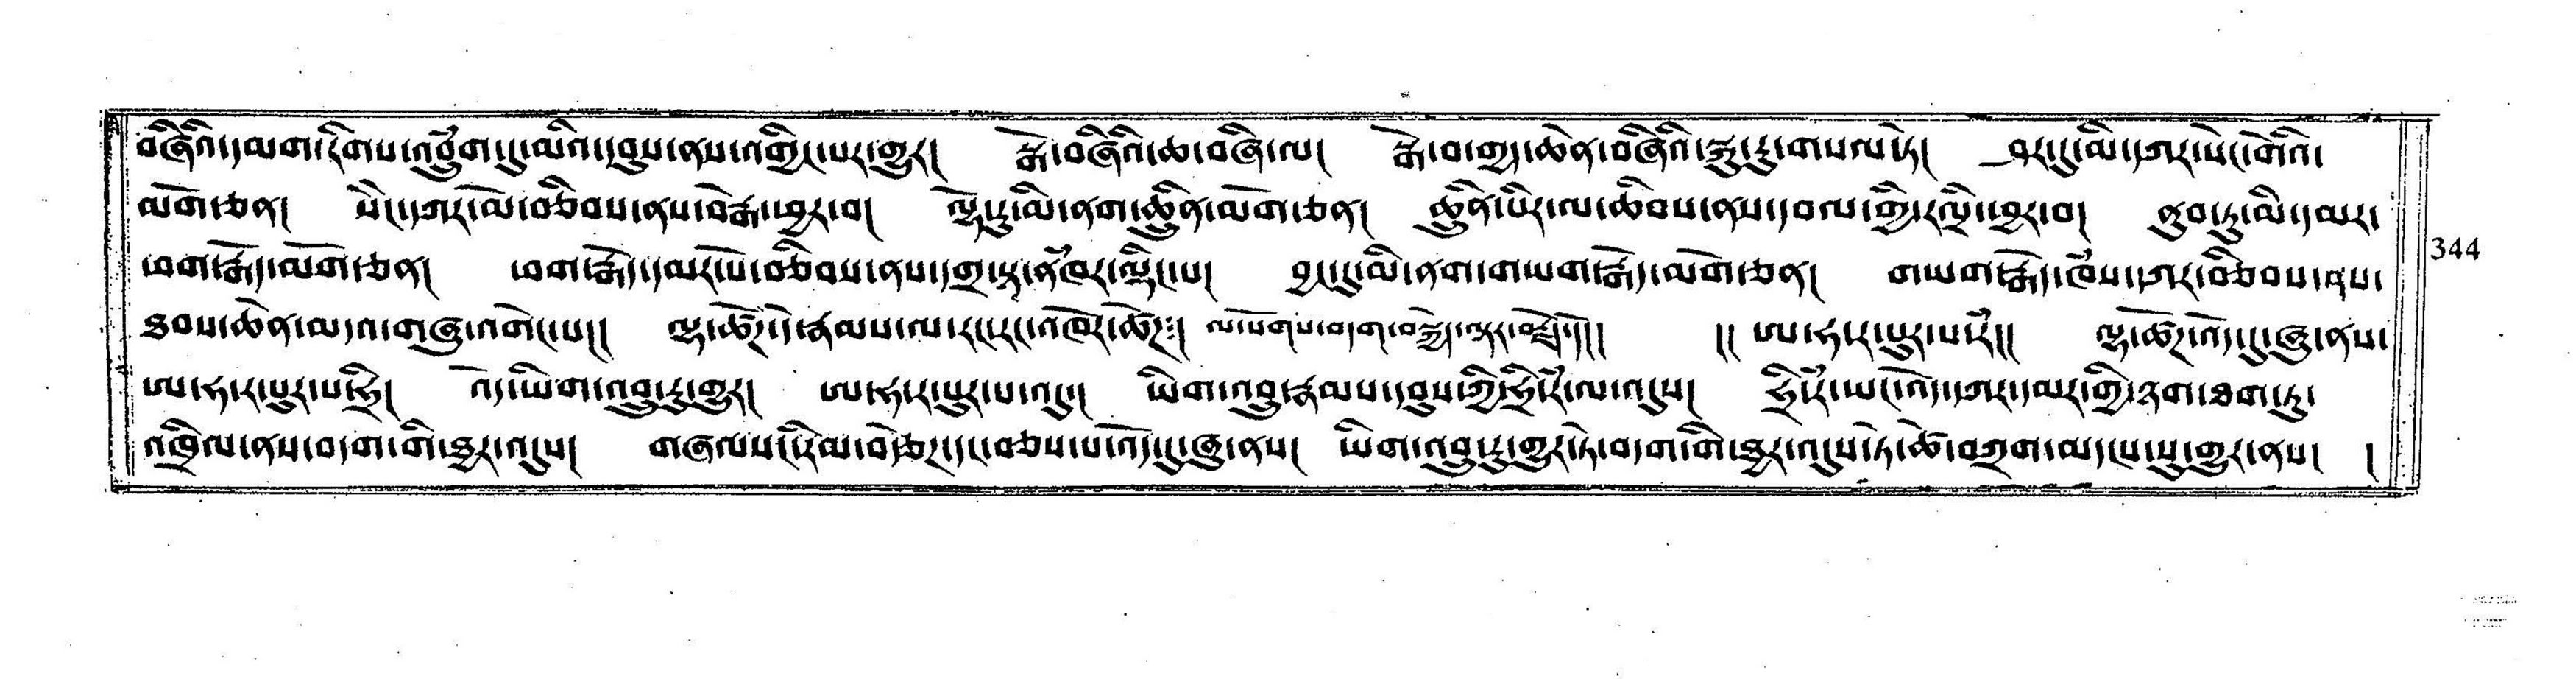བཞིའི་དམག་རིགས་འབུམ་ཕྲག་དུ་མའི་དབུས་ནས་འགྱིང་པར་གྱུར། སྒོ་བཞིའི་ཆ་བཞི་ལ། སྒོ་བ་གྱད་ཆེན་བཞིའི་སྐུ་རུ་གསལ་ཏེ། ཤར་དུ་མི་དཀར་སེང་གེའི་མགོ་
ཅན། སེང་གེ་དཀར་མོ་བཅིབས་ནས་བེརྒ་ཕྱར་བ། ལྷོ་རུ་མི་ནག་ཆུ་སྲིན་མགོ་ཅན། ཆུ་སྲིན་པིར་ལ་ཆིབས་ནས་དབལ་གྱི་རལ་གྲི་ཕྱར་བ། ནུབ་ཏུ་མི་དམར་
ཕག་རྒོད་མགོ་ཅན། ཕག་རྒོད་དམར་པོ་བཅིབས་ནས་དགྲ་སྟྭ་ནམ་མཁར་ལྡིང་པ། བྱང་དུ་མི་ནག་གཡག་རྒོད་མགོ་ཅན། གཡག་རྒོད་ཁམས་དཀར་བཅིབས་ནས་
ཐབས་ཆེན་མདའ་གཞུ་འགེང་པ།། ལྷ་ཚོགས་དེ་རྣམས་ལ་རང་རང་འཁོར་ཚོགས༴། ལ་སོགས་བདག་བསྐྱེད་ལྟར་བརྗོད་དོ།། །།ཨ་ཧ་ར་པུར་པ་རཾ།། ལྷ་ཚོགས་འོད་དུ་ཞུ་ནས་
ཨ་ཧ་ར་པུར་པ་ཧྲི། འོད་ཡིག་འབྲུ་རུ་གྱུར། ཨ་ཧ་ར་པུར་པ་འདུ། ཡིག་འབྲུ་རྣམས་དབུས་ཀྱི་ཧྲི་རཾ་ལ་འདུས། ཧྲི་རཾ་ཡང་འོད་དཀར་དམར་གྱི་ཉག་ཐག་ཏུ་
འཁྲིལ་ནས་བདག་གི་ཐུགས་ཀར་འདུས། གཞལ་ཡས་ཁང་རིམ་བརྩེགས་དང་བཅས་པ་འོད་དུ་ཞུ་ནས། ཡིག་འབྲུ་རུ་གྱུར་ཏེ་བདག་གི་ཐུགས་ཀར་འདུས་ཏེ་ཚེ་བཀྲག་མདངས་སུ་གྱུར་ནས།